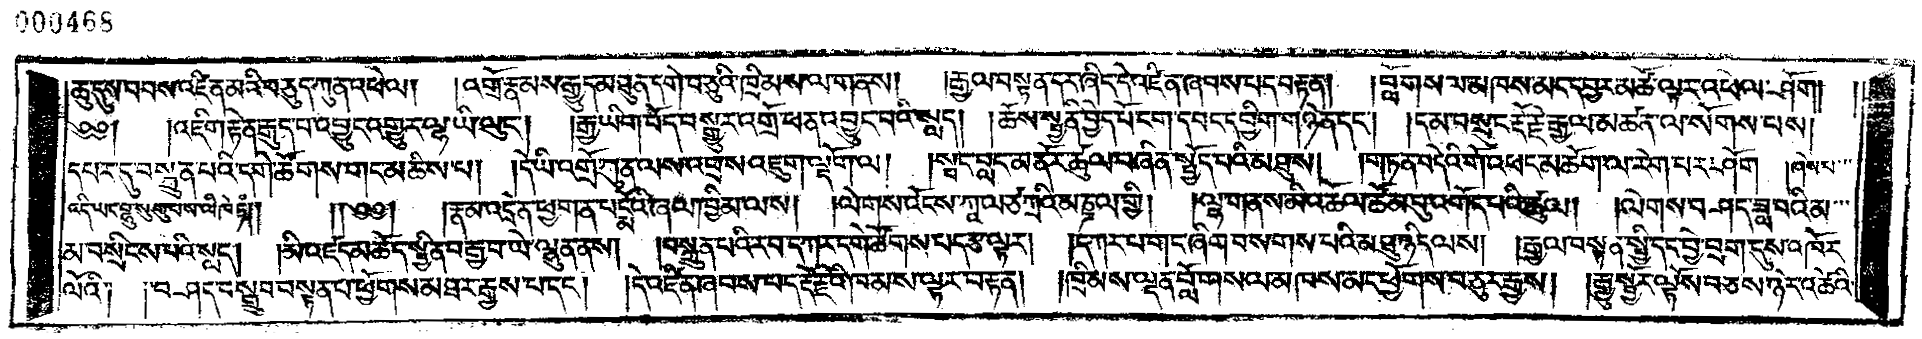ཆུ་དུས་བབས་འཛིན་མའི་བཅུད་ཀུན་འཕེལ། །འགྲོ་རྣམས་རྒྱུད་མཐུན་དགེ་བཅུའི་ཁྲིམས་ལ་གནས། །རྒྱལ་བསྟན་དར་ཞིང་དེ་འཛིན་ཞབས་པད་བརྟན། །བློ་གསལ་མཁས་མང་དབྱར་མཚེ་ལྟར་འཕེལ་ཤོག ། །
༄༅། །འཇིག་རྟེན་རྒུད་པ་འབྱུང་འགྱུར་ལྷ་ཡི་ལུང་། །རྒྱ་ཡིག་བོད་བསྒྱུར་འགྲོ་ཕན་འབྱུང་བའི་སླད། །ཆོས་སྦྱིན་བྱེད་པོ་ངག་དབང་དབྱིག་གཉེན་དང་། །དམ་བསྲུང་རྡོ་རྗེ་རྒྱལ་མཚན་ལ་སོགས་པས།
དཔར་དུ་བསྐྲུན་པའི་དགེ་ཚོགས་གང་མཆིས་པ། །དེ་ཡི་འགྲོ་ཀུན་ལས་འབྲས་འཇུག་ལྡོག་ལ། །སྤང་བླང་མ་ནོར་ཚུལ་བཞིན་སྤྱོད་པའི་མཐུས། །གཏན་བདེའི་གོ་འཕང་མཆོག་ལ་རེག་པར་ཤོག །ཞེས་པ་
འདི་ཡང་བྷུ་སུ་གུ་པས་ལི་ཁེ་ཏཾ།། །།༄༅། །རྣམ་འདྲེན་ཕྱག་ན་པདམོའི་ཞལ་ཁྱིམ་ལས། །ལེགས་འོངས་ཀཱ་ལ་ཙ་ཀྲའི་མཎྜལ་གྱི། །ལྷ་གནས་མི་འཆོལ་ཚོམ་བུ་འགོད་པའི་ཚུལ། །ལེགས་བཤད་ཟླ་བའི་མ་
མ་བསྲིངས་པའི་སླད། །མི་འཛད་མཆོད་སྦྱིན་བརྒྱ་བ་ཡེ་ལྷུན་ནས། །བསྐྲུན་པའི་རབ་དཀར་དགེ་ཚོགས་པད་རྩ་ལྟར། །དཀར་པ་གང་ཞིག་བསགས་པའི་མཐུ་ཉིད་ལས། །རྒྱལ་བསྟན་སྤྱི་དང་བྱེ་བྲག་དུས་འཁོར་
ལོའི། །བཤད་བསྒྲུབ་བསྟན་པ་ཕྱོགས་མཐར་རྒྱས་པ་དང་། །དེ་འཛིན་ཞབས་པད་རྡོ་རྗེའི་ཁམས་ལྟར་བརྟན། །ཁྲིམས་ལྡན་བློ་གསལ་མཁས་མང་ཕྱོགས་བཅུར་རྒྱས། །རྒྱུ་སྦྱོར་ལྟོས་བཅས་ཉེར་འཚེའི་